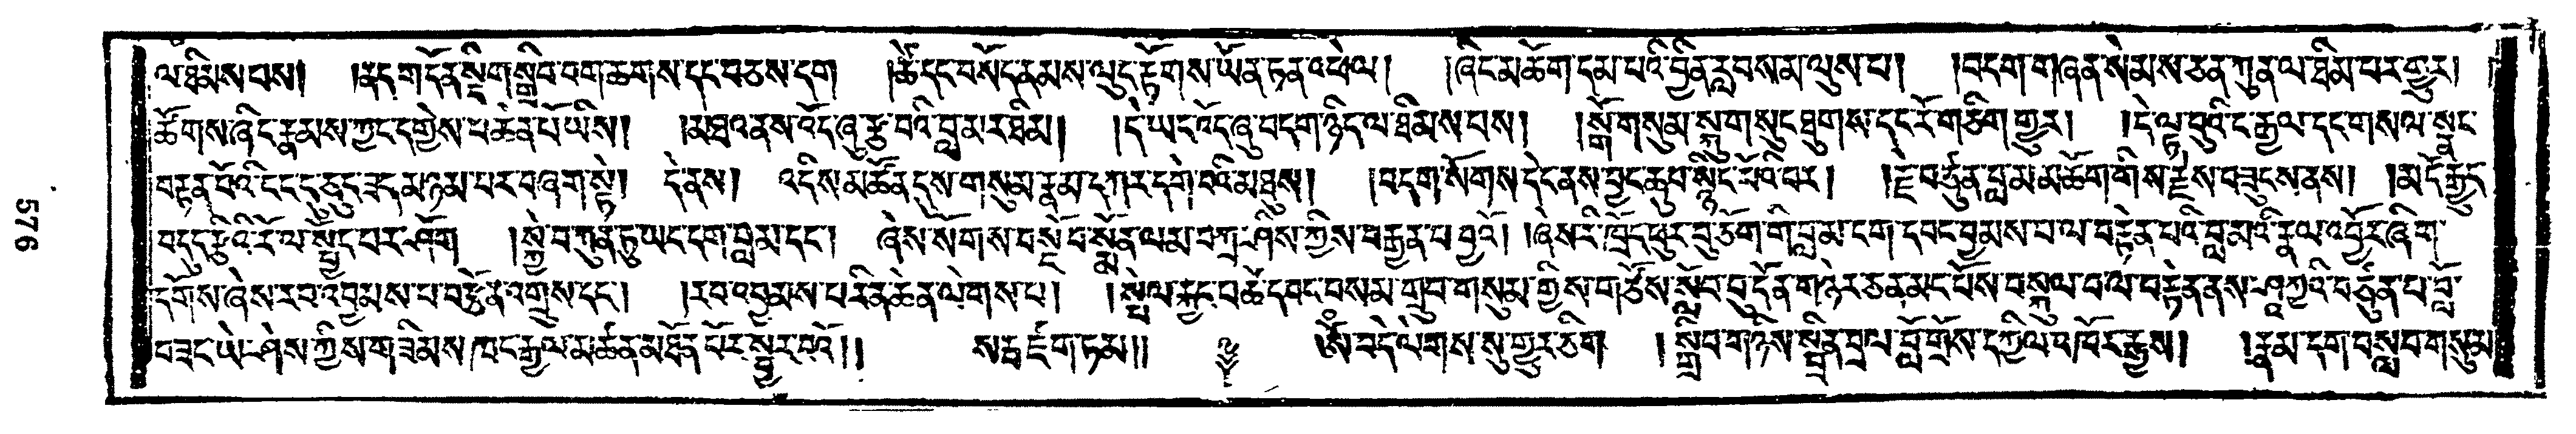ལ་ཐིམས་པས། །ནད་གདོན་སྡིག་སྒྲིབ་བག་ཆགས་དང་བཅས་དག །ཚེ་དང་བསོད་ནམས་ལུང་རྟོགས་ཡོན་ཏན་འཕེལ། །ཞིང་མཆོག་དམ་པའི་བྱིན་རླབས་མ་ལུས་པ། །བདག་གཞན་སེམས་ཅན་ཀུན་ལ་ཐིམ་པར་གྱུར། །
ཚོགས་ཞིང་རྣམས་ཀྱང་དགྱེས་པ་ཆེན་པོ་ཡིས། །མཐའ་ནས་འོད་ཞུ་རྩ་བའི་བླ་མར་ཐིམ། །དེ་ཡང་འོད་ཞུ་བདག་ཉིད་ལ་ཐིམས་པས། །སྒོ་གསུམ་སྐུ་གསུང་ཐུགས་དང་རོ་གཅིག་གྱུར། །དེ་ལྟ་བུའི་ང་རྒྱལ་དང་གསལ་སྣང་
བརྟན་པོའི་ངང་དུ་ཅུང་ཟད་མཉམ་པར་བཞག་སྟེ། དེ་ནས། འདིས་མཚོན་དུས་གསུམ་རྣམ་དཀར་དགེ་བའི་མཐུས། །བདག་སོགས་དེང་ནས་བྱང་ཆུབ་སྙིང་པོའི་བར། །རྗེ་བཙུན་བླ་མ་མཆོག་གིས་རྗེས་བཟུངས་ནས། །མདོ་རྒྱུད་
བདུད་རྩིའི་རོ་ལ་སྤྱོད་པར་ཤོག །སྐྱེ་བ་ཀུན་ཏུ་ཡང་དག་བླ་མ་དང་། ཞེས་སོགས་བསྔོ་བ་སྨོན་ལམ་བཀྲ་ཤིས་ཀྱིས་བརྒྱན་པ་བྱའོ། །ཞེས་རི་ཁྲོད་ཕུར་བུ་ཅོག་གི་བླ་མ་ངག་དབང་བྱམས་པ་ལ་བརྟེན་པའི་བླ་མའི་རྣལ་འབྱོར་ཞིག་
དགོས་ཞེས་རབ་འབྱམས་པ་བརྩོན་འགྲུས་དང་། །རབ་འབྱམས་པ་རིན་ཆེན་ལེགས་པ། །སྤེལ་རྐྱང་པ་ཚེ་དབང་བསམ་གྲུབ་གསུམ་གྱིས་གཙོས་སློབ་བུ་དོན་གཉེར་ཅན་མང་པོས་བསྐུལ་བ་ལ་བརྟེན་ནས་ཤཱཀྱའི་བཙུན་པ་བློ་
བཟང་ཡེ་ཤེས་ཀྱིས་གཟིམས་ཁང་རྒྱལ་མཚན་མཐོན་པོར་སྦྱར་བའོ། །སརྦ་ཛག་ཏམ།། ༈ ཨོཾ་བདེ་ལེགས་སུ་གྱུར་ཅིག །སྒྲིབ་གཉིས་སྤྲིན་བྲལ་བློ་གྲོས་དཀྱིལ་འཁོར་རྒྱས། །རྣམ་དག་བསླབ་གསུམ་